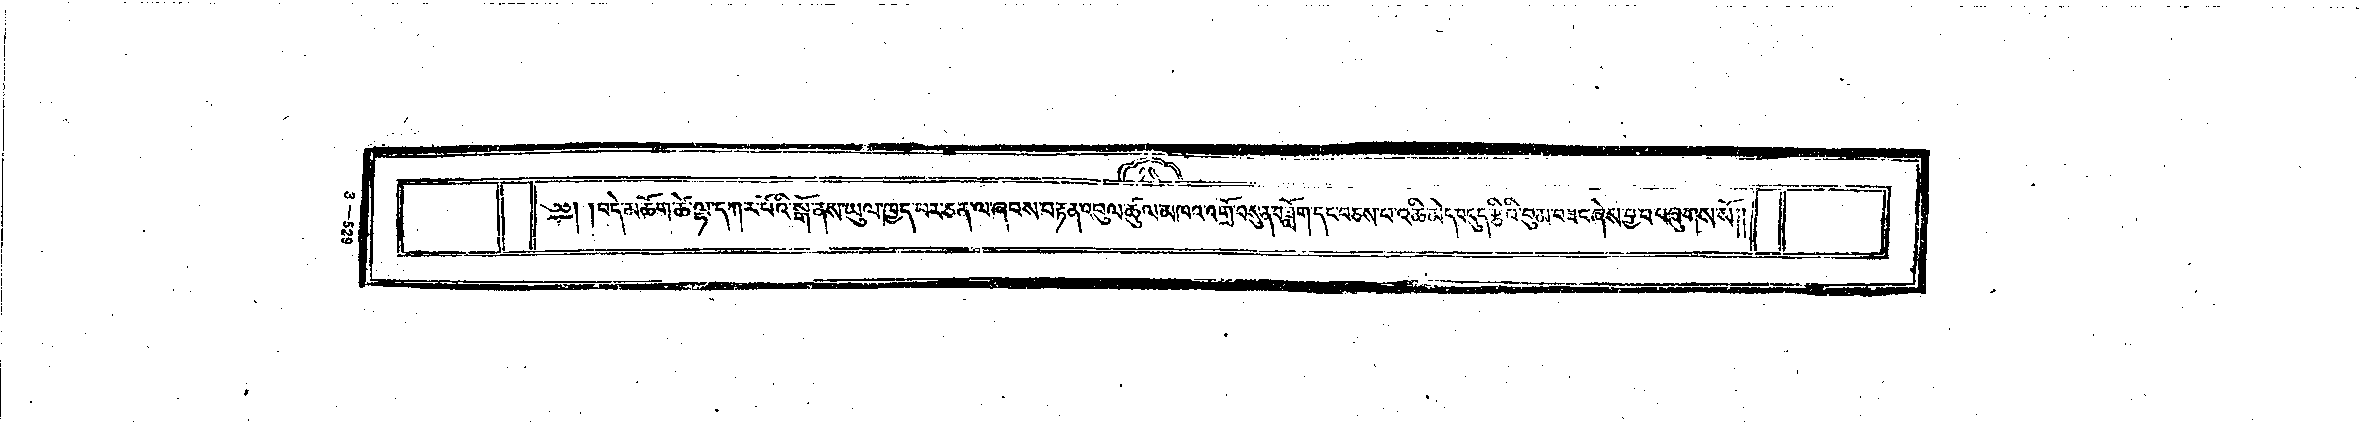༄༅། །བདེ་མཆོག་ཚེ་ལྷ་དཀར་པོའི་སྒོ་ནས་ཡུལ་ཁྱད་པར་ཅན་ལ་ཞབས་བརྟན་འབུལ་ཚུལ་མཁའ་འགྲོ་བསུན་བཟློག་དང་བཅས་པ་འཆི་མེད་བདུད་རྩིའི་བུམ་བཟང་ཞེས་བྱ་བ་བཞུགས་སོ།།